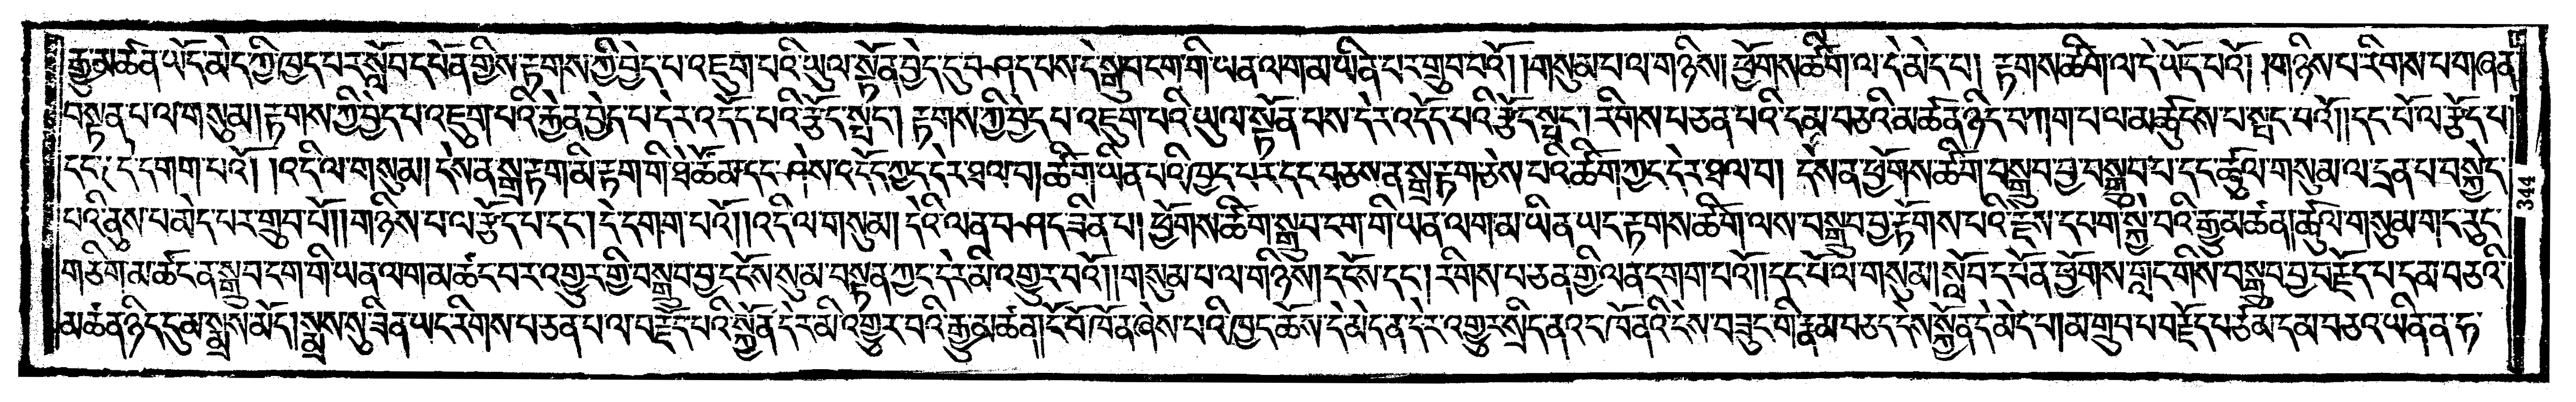རྒྱུ་མཚན་ཡོད་མེད་ཀྱི་ཁྱད་པར་སློབ་དཔོན་གྱིས་རྟགས་ཀྱི་བྱེད་པ་འཇུག་པའི་ཡུལ་སྟོན་བྱེད་དུ་བཤད་པས་དེ་སྒྲུབ་ངག་གི་ཡན་ལག་མ་ཡིན་པར་གྲུབ་པའོ། །གསུམ་པ་ལ་གཉིས། ཕྱོགས་ཚིག་ལ་དེ་མེད་པ། རྟགས་ཚིག་ལ་དེ་ཡོད་པའོ། །གཉིས་པ་རིགས་པ་གཞན་
བསྟན་པ་ལ་གསུམ། རྟགས་ཀྱི་བྱེད་པ་འཇུག་པའི་རྐྱེན་བྱེད་པ་དེར་འདོད་པའི་རྩོད་སྤང་། རྟགས་ཀྱི་བྱེད་པ་འཇུག་པའི་ཡུལ་སྟོན་པས་དེར་འདོད་པའི་རྩོད་སྤང་། རིགས་པ་ཅན་པའི་དམ་བཅའི་མཚན་ཉིད་བཀག་པ་ལ་མཚུངས་པ་སྤང་བའོ། །དང་པོ་ལ་རྩོད་པ་
དང་། དེ་དགག་པའོ། །འདི་ལ་གསུམ། དེས་ན་སྒྲ་རྟག་མི་རྟག་གི་ཐེ་ཚོམ་དང་ཤེས་འདོད་ཀྱང་དེར་ཐལ་བ། ཚིག་ཡིན་པའི་ཁྱད་པར་དང་བཅས་ན་སྒྲ་རྟག་ཅེས་པའི་ཚིག་ཀྱང་དེར་ཐལ་བ། དེས་ན་ཕྱོགས་ཚིག་བསྒྲུབ་བྱ་བསྒྲུབ་པ་དང་ཚུལ་གསུམ་ལ་དྲན་པ་བསྐྱེད་
པའི་ནུས་པ་མེད་པར་གྲུབ་པོ། །གཉིས་པ་ལ་རྩོད་པ་དང་། དེ་དགག་པའོ། །འདི་ལ་གསུམ། དེའི་ལན་བཤད་ཟིན་པ། ཕྱོགས་ཚིག་སྒྲུབ་ངག་གི་ཡན་ལག་མ་ཡིན་ཡང་རྟགས་ཚིག་ལས་བསྒྲུབ་བྱ་རྟོགས་པའི་རྗེས་དཔག་སྐྱེ་བའི་རྒྱུ་མཚན། ཚུལ་གསུམ་གང་རུང་
གཅིག་མ་ཚང་ན་སྒྲུབ་ངག་གི་ཡན་ལག་མ་ཚང་བར་འགྱུར་གྱི་བསྒྲུབ་བྱ་དངོས་སུ་མ་བསྟན་ཀྱང་དེར་མི་འགྱུར་བའོ། །གསུམ་པ་ལ་གཉིས། དངོས་དང་། རིགས་པ་ཅན་གྱི་ལན་དགག་པའོ། །དང་པོ་ལ་གསུམ། སློབ་དཔོན་ཕྱོགས་གླང་གིས་བསྒྲུབ་བྱ་བརྗོད་པ་དམ་བཅའི་
མཚན་ཉིད་དུ་མ་སྨྲས་མོད། སྨྲས་སུ་ཟིན་ཡང་རིགས་པ་ཅན་པ་ལ་བརྗོད་པའི་སྐྱོན་དེར་མི་འགྱུར་བའི་རྒྱུ་མཚན། ངོ་བོ་ཁོ་ན་ཞེས་པའི་ཁྱད་ཆོས་དེ་མེད་ན་དེར་འགྱུར་སྲིད་ནའང་ཁོ་ནའི་ངེས་བཟུང་གི་རྣམ་བཅད་དེས་སྐྱོན་དེ་མེད་པ། མ་གྲུབ་པ་བརྗོད་པ་ཙམ་དམ་བཅའ་ཡིན་ན་ཧ་